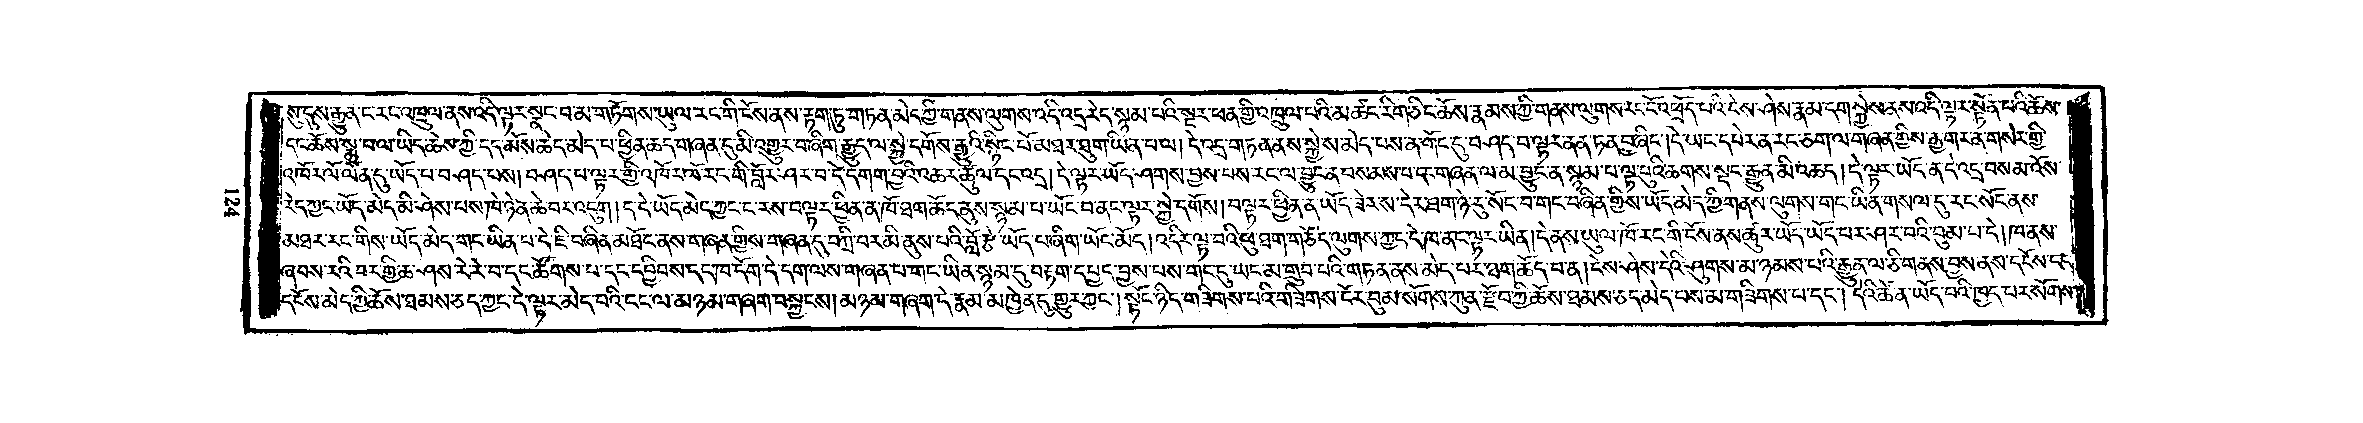སུ་དུས་རྒྱུན་ང་རང་འཁྲུལ་ནས་འདི་ལྟར་སྣང་བ་མ་གཏོགས་ཡུལ་རང་གི་ངོས་ནས་རྟག་ཏུ་གཏན་མེད་ཀྱི་གནས་ལུགས་འདི་འདྲ་རེད་སྙམ་པའི་སྔར་ཕན་གྱི་འཁྲུལ་པའི་མཚང་རིག་ཅིང་ཆོས་རྣམས་ཀྱི་གནས་ལུགས་རང་ངོ་འཕྲོད་པའི་ངེས་ཤེས་རྣམ་དག་སྐྱེས་ནས་འདི་ལྟར་སྟོན་པའི་ཆོས་
དང་ཆོས་སྨྲ་བ་ལ་ཡིད་ཆེས་ཀྱི་དད་མོས་ཆེད་མེད་པ་ཕྱིན་ཆད་གཞན་དུ་མི་འགྱུར་བ་ཞིག་རྒྱུད་ལ་སྐྱེ་དགོས་རྒྱུའི་སྙིང་པོ་མཐར་ཐུག་ཡིན་པ་ལ། དེ་འདྲ་གཏན་ནས་སྐྱེ་ས་མེད་པས་ན་གོང་དུ་བཤད་པ་ལྟར་ནན་ཏན་བྱ་ཞིང་། དེ་ཡང་དཔེར་ན་རང་ཅག་ལ་གཞན་གྱིས་རྒྱ་གར་ན་གསེར་གྱི་
འཁོར་ལོ་ལེན་དུ་ཡོད་པ་བཤད་པས། བཤད་པ་ལྟར་གྱི་འཁོར་ལོ་རང་གི་བློར་ཤར་བ་དེ་དགག་བྱའི་འཆར་ཚུལ་དང་འདྲ། དེ་ལྟར་ཡོད་ཤགས་བྱས་པས་རང་ལ་བྱུང་ན་བསམས་པ་དང་གཞན་ལ་མ་བྱུང་ན་སྙམ་པ་ལྟ་བུའི་ཆགས་སྡང་རྒྱུན་མི་འཆད། དེ་ལྟར་ཡོད་ན་དེ་འདྲ་བསམ་འོས་
རེད་ཀྱང་ཡོད་མེད་མི་ཤེས་པས་ཁེ་ཉེན་ཆེ་བར་འདུག །ད་དེ་ཡོད་མེད་ཀྱང་ང་རས་བལྟར་ཕྱིན་ན་ཁོ་ཐག་ཆོད་ནུས་སྙམ་པ་ཡོང་བ་ནང་ལྟར་སྐྱེ་དགོས། བལྟར་ཕྱིན་ན་ཡོད་ཟེར་ས་དེར་ཐག་ཉེ་རུ་སོང་བ་གང་བཞིན་གྱིས་ཡོད་མེད་ཀྱི་གནས་ལུགས་གང་ཡིན་གསལ་དུ་རང་སོང་ནས་
མཐར་རང་གིས་ཡོད་མེད་གང་ཡིན་པ་དེ་ཇི་བཞིན་མཐོང་ནས་གཞན་གྱིས་གཞན་དུ་བཀྲི་བར་མི་ནུས་པའི་བློ་རྩེ་ཡོད་པ་ཞིག་ཡོང་མོད། འདིར་ལྟ་བའི་ཕུ་ཐག་གཅོད་ལུགས་ཀྱང་དེ་ཁ་ནང་ལྟར་ཡིན། དེ་ནས་ཡུལ་ཁོ་རང་གི་ངོས་ནས་ཚུར་ཡོད་ཡོད་པར་ཤར་བའི་བུམ་པ་དེ། ཁ་ནས་
ཞབས་རའི་བར་གྱི་ཆ་ཤས་རེ་རེ་བ་དང་ཚོགས་པ་དང་དབྱིབས་དང་ཁ་དོག་དེ་དག་ལས་གཞན་པ་གང་ཡིན་སྙམ་དུ་བརྟག་དཔྱད་བྱས་པས་གང་དུ་ཡང་མ་གྲུབ་པའི་གཏན་ནས་མེད་པར་ཐག་ཆོད་པ་ན། ངེས་ཤེས་དེའི་ཤུགས་མ་ཉམས་པའི་རྒྱུན་ལ་ཅི་གནས་བྱས་ནས་དངོས་དང་
དངོས་མེད་ཀྱི་ཆོས་ཐམས་ཅད་ཀྱང་དེ་ལྟར་མེད་པའི་ངང་ལ་མཉམ་གཞག་བསྐྱངས། མཉམ་གཞག་དེ་རྣམ་མཁྱེན་དུ་གྱུར་ཀྱང་། སྟོང་ཉིད་གཟིགས་པའི་གཟིགས་ངོར་བུམ་སོགས་ཀུན་རྫོབ་ཀྱི་ཆོས་ཐམས་ཅད་མེད་པས་མ་གཟིགས་པ་དང་། དེའི་ཚེ་ན་ཡོད་པའི་ཁྱད་པར་སོགས་